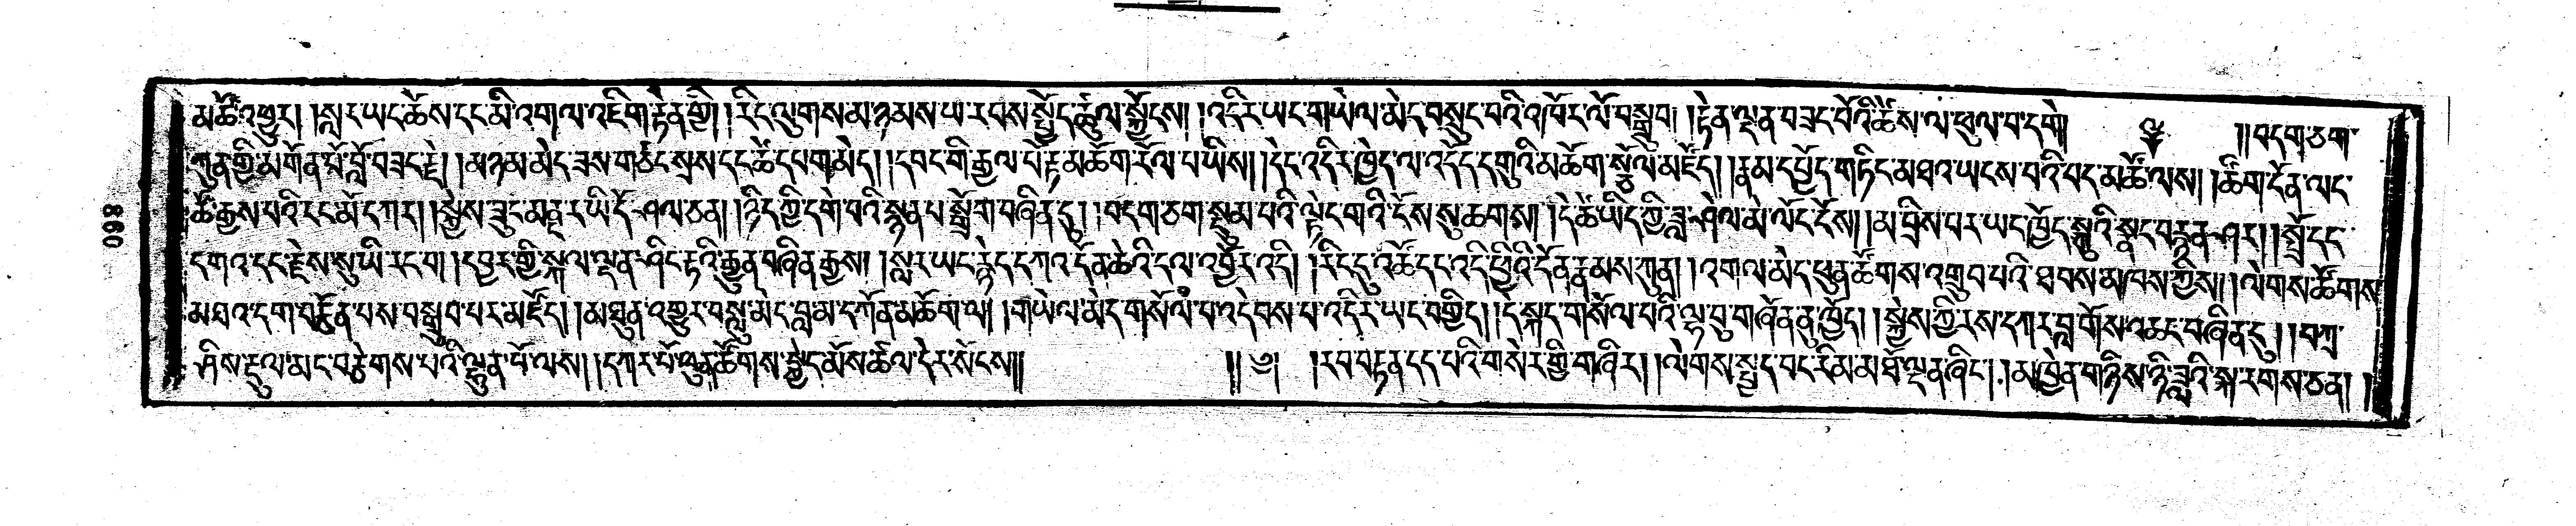མཚོ་འཕྱུར། །སླར་ཡང་ཆོས་དང་མི་འགལ་འཇིག་རྟེན་གྱི། །རིང་ལུགས་མ་ཉམས་ཡ་རབས་སྤྱོད་ཚུལ་སྐྱོངས། །འདིར་ཡང་གཡེལ་མེད་བསྲུང་བའི་འཁོར་ལོ་བསྒྲུབ། །རྟེན་ལྡན་བཟང་པོའི་ཚེས་ལ་ཕུལ་བ་དགེ། ༈ །།བདག་ཅག་
ཀུན་གྱི་མགོན་པོ་བློ་བཟང་རྗེ། །མཉམ་མེད་ཟས་གཙང་སྲས་དང་ཚེ་དཔག་མེད། །དབང་གི་རྒྱལ་པོ་རྟ་མཆོག་རོལ་པ་ཡིས། །དེང་འདིར་ཁྱེད་ལ་འདོད་དགུའི་མཆོག་སྩོལ་མཛོད། །རྣམ་དཔྱོད་གཏིང་མཐའ་ཡངས་པའི་པད་མཚོ་ལས། །ཚིག་དོན་ལང་
ཚོ་རྒྱས་པའི་ངང་མོ་དཀར། །སྐྱེས་ཟུང་མནྡ་ར་ཡི་དོ་ཤལ་ཅན། །ཉིད་ཀྱི་དགེ་བའི་སྙན་པ་སྒྲོག་བཞིན་དུ། །བདག་ཅག་སྡུམ་པའི་ལྟེང་གའི་ངོས་སུ་ཆགས། །དེ་ཚེ་ཡིད་ཀྱི་ཟླ་ཤེལ་མེ་ལོང་ངོས། །མ་བྲིས་པར་ཡང་ཁྱོད་སྐུའི་སྣང་བརྙན་ཤར། །སྤྲོ་དང་
དགའ་དང་རྗེས་སུ་ཡི་རང་བ། །དབྱར་གྱི་སྐལ་ལྡན་ཤིང་རྟའི་རྒྱུན་བཞིན་རྒྱས། །སླར་ཡང་རྙེད་དཀའ་དོན་ཆེའི་དལ་འབྱོར་འདི། །རིང་དུ་འཚོ་དང་འདི་ཕྱིའི་དོན་རྣམས་ཀུན། །འགལ་མེད་ཕུན་ཚོགས་འགྲུབ་པའི་ཐབས་མཁས་ཀྱིས། །ལེགས་ཚོགས་
མཐའ་དག་བརྩོན་པས་བསྒྲུབ་པར་མཛོད། །མཐུན་འགྱུར་བསླུ་མེད་བླ་མ་དཀོན་མཆོག་ལ། །གཡེལ་མེད་གསོལ་བ་འདེབས་པ་འདིར་ཡང་བགྱིད། །དེ་སྐད་གསོལ་བའི་ལྷ་བུ་གཞོན་ནུ་ཁྱོད། །སྐྱེས་ཀྱི་རས་དཀར་བླ་གོས་འཆང་བཞིན་དུ། །བཀྲ་
ཤིས་རྡུལ་མང་བརྩེགས་པའི་ལྷུན་པོ་ལས། །དཀར་པོ་ཕུན་ཚོགས་སྐྱེད་མོས་ཚལ་དེར་སོངས།། །།༄༅། །རབ་བརྟན་དད་པའི་གསེར་གྱི་གཞིར། །ལེགས་སྤྱད་བང་རིམ་མཐོ་ལྡན་ཞིང་། །མཁྱེན་གཉིས་ཉི་ཟླའི་སྐ་རགས་ཅན། །